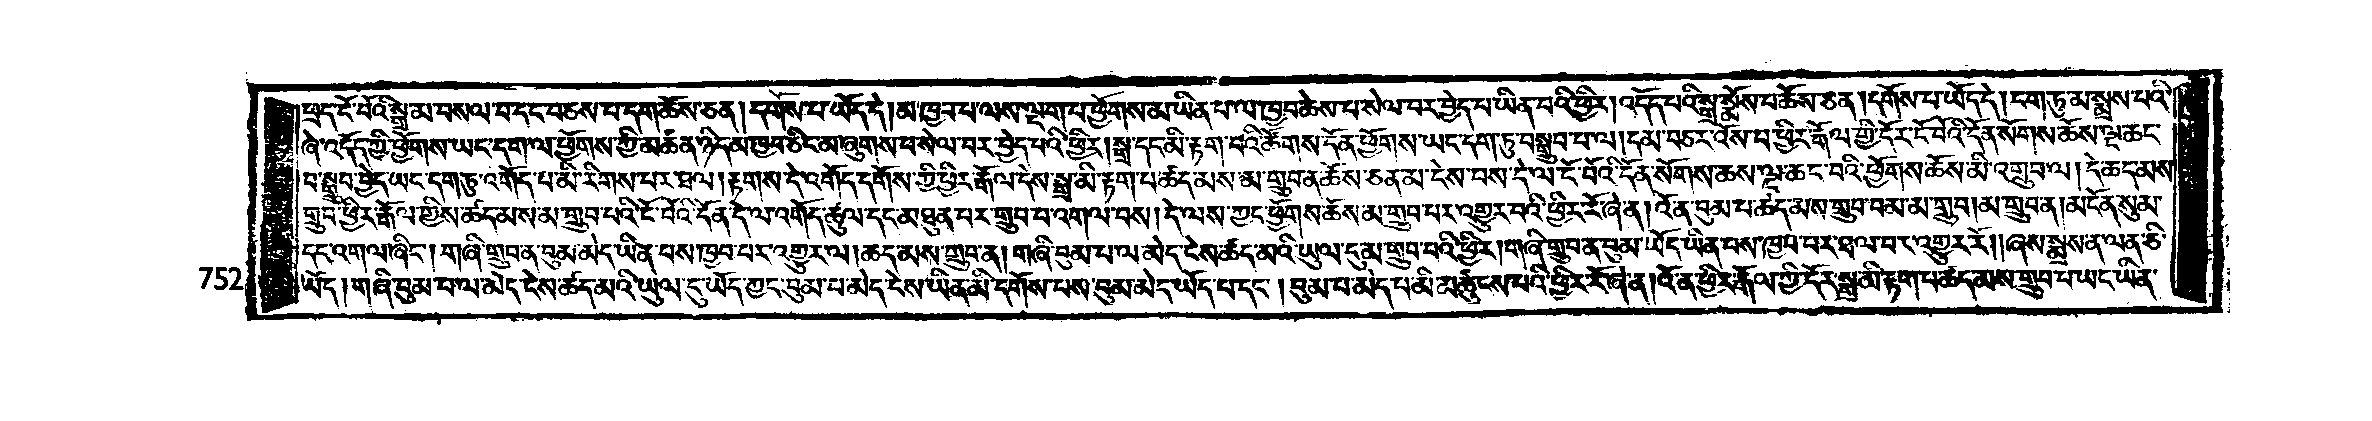ཕྲད་ངོ་བོའི་སྒྲ་མ་བསལ་བ་དང་བཅས་པ་དག་ཆོས་ཅན། དགོས་པ་ཡོད་དེ། མ་ཁྱབ་པ་ལས་ལྡོག་?་པ་ཕྱོགས་མ་ཡིན་པ་ལ་ཁྱབ་ཆེས་པ་སེལ་བར་བྱེད་པ་ཡིན་པའི་ཕྱིར། འདོད་པའི་སྒྲ་སྨོས་པ་ཆོས་ཅན། དགོས་པ་ཡོད་དེ། ངག་ཏུ་མ་སྨྲས་པའི་
ཞེ་འདོད་ཀྱི་ཕྱོགས་ཡང་དག་ལ་ཕྱོགས་ཀྱི་མཚན་ཉིད་མ་ཁྱབ་ཅིང་མ་ཞུགས་པ་སེལ་བར་བྱེད་པའི་ཕྱིར། སྒྲ་དང་མི་རྟག་པའི་ཚོགས་དོན་ཕྱོགས་ཡང་དག་ཏུ་བསྒྲུབ་པ་ལ། དམ་བཅར་འོས་པ་ཕྱིར་རྒོལ་གྱི་ངོར་ངོ་བོའི་དོན་སོགས་ཆོས་ལྔ་ཆང་
བ་སྒྲུབ་བྱེད་ཡང་དག་ཏུ་འགོད་པ་མི་རིགས་པར་ཐལ། རྟགས་དེ་འགོད་དགོས་ཀྱི་ཕྱིར་རྒོལ་དེས་སྒྲ་མི་རྟག་པ་ཚད་མས་མ་གྲུབ་ན་ཆོས་ཅན་མ་ངེས་པས་དེ་ལ་ངོ་བོའི་དོན་སོགས་ཆོས་?་ལྔ་ཆང་བའི་ཕྱོགས་ཆོས་མི་འགྲུབ་ལ། དེ་ཚད་མས་
གྲུབ་ཕྱིར་རྒོལ་གྱིས་ཚད་མས་མ་གྲུབ་པའི་ངོ་བོའི་དོན་དེ་ལ་འགོད་ཚུལ་དང་མཐུན་པར་གྲུབ་པ་འགལ་བས། དེ་ལས་ཀྱང་ཕྱོགས་ཆོས་མ་གྲུབ་པར་འགྱུར་བའི་ཕྱིར་རོ་ཞེ་ན། འོ་ན་བུམ་པ་ཚད་མས་གྲུབ་བམ་མ་གྲུབ། མ་གྲུབ་ན། མངོན་སུམ་
དང་འགལ་ཞིང་། གཞི་གྲུབ་ན་བུམ་མེད་ཡིན་པས་ཁྱབ་པར་འགྱུར་ལ། ཚད་མས་གྲུབ་ན། གཞི་བུམ་པ་ལ་མེད་ངེས་ཚད་མའི་ཡུལ་དུ་མ་གྲུབ་པའི་ཕྱིར། གཞི་གྲུབ་ན་བུམ་ཡོད་ཡིན་པས་ཁྱབ་པར་ཐལ་བར་འགྱུར་རོ། །ཞེས་?་སྨྲས་ན་ལན་ཅི་
ཡོད། གཞི་བུམ་པ་ལ་མེད་ངེས་ཚད་མའི་ཡུལ་དུ་ཡོད་ཀྱང་བུམ་པ་མེད་ངེས་ཡིན་མི་དགོས་པས་བུམ་མེད་ཡོད་པ་དང་། བུམ་པ་མེད་པ་མི་མཚུངས་པའི་ཕྱིར་རོ་ཞེ་ན། འོ་ན་ཕྱིར་རྒོལ་གྱི་ངོར་སྒྲ་མི་རྟག་པ་ཚད་མས་གྲུབ་པ་ཡང་ཡིན་